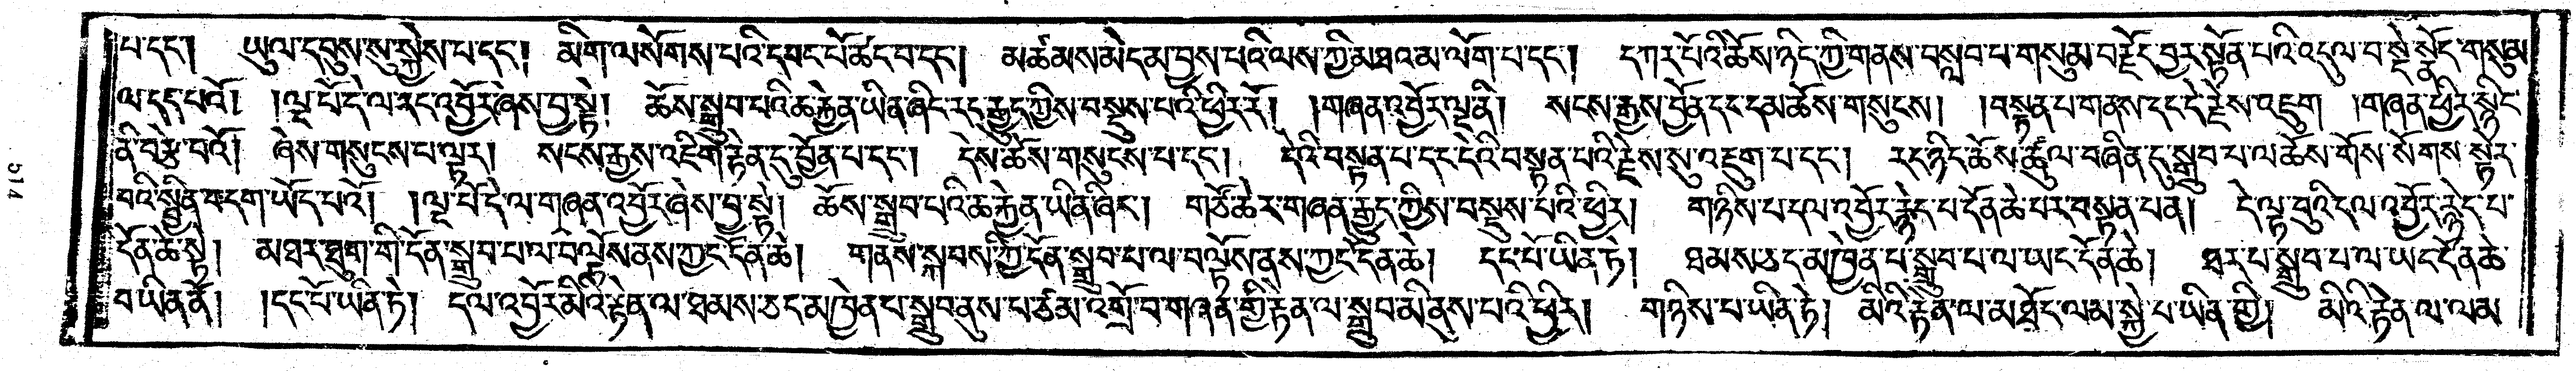པ་དང་། ཡུལ་དབུས་སུ་སྐྱེས་པ་དང་། མིག་ལ་སོགས་པའི་དབང་པོ་ཚང་བ་དང་། མཚམས་མེད་མ་བྱས་པའི་ལས་ཀྱི་མཐའ་མ་ལོག་པ་དང་། དཀར་པོའི་ཆོས་ཉིད་ཀྱི་གནས་བསླབ་པ་གསུམ་བརྗོད་བྱར་སྟོན་པའི་འདུལ་བ་སྡེ་སྣོད་གསུམ་
ལ་དད་པའོ། །ལྔ་པོ་དེ་ལ་རང་འབྱོར་ཞེས་བྱ་སྟེ། ཆོས་སྒྲུབ་པའི་ཆ་རྐྱེན་ཡིན་ཞིང་རང་རྒྱུད་ཀྱིས་བསྡུས་པའི་ཕྱིར་རོ། །གཞན་འབྱོར་ལྔ་ནི། སངས་རྒྱས་བྱོན་དང་དམ་ཆོས་གསུངས། །བསྟན་པ་གནས་དང་དེ་རྗེས་འཇུག །གཞན་ཕྱིར་སྙིང་
ནི་བརྩེ་བའོ། ཞེས་གསུངས་པ་ལྟར། སངས་རྒྱས་འཇིག་རྟེན་དུ་བྱོན་པ་དང་། དེས་ཆོས་གསུངས་པ་དང་། དེའི་བསྟན་པ་དང་དེའི་བསྟན་པའི་རྗེས་སུ་འཇུག་པ་དང་། རང་ཉིད་ཆོས་ཚུལ་བཞིན་དུ་སྒྲུབ་པ་ལ་ཆོས་གོས་སོགས་སྟེར་
བའི་སྦྱིན་བདག་ཡོད་པའོ། །ལྔ་པོ་དེ་ལ་གཞན་འབྱོར་ཞེས་བྱ་སྟེ། ཆོས་སྒྲུབ་པའི་ཆ་རྐྱེན་ཡིན་ཞིང་། གཙོ་ཆེར་གཞན་རྒྱུད་ཀྱིས་བསྡུས་པའི་ཕྱིར། གཉིས་པ་དལ་འབྱོར་རྙེད་པ་དོན་ཆེ་པར་བསྟན་པ་ན། དེ་ལྟ་བུའི་དལ་འབྱོར་རྙེད་པ་
དོན་ཆེ་སྟེ། མཐར་ཐུག་གི་དོན་སྒྲུབ་པ་ལ་བལྟོས་ནས་ཀྱང་དོན་ཆེ། གནས་སྐབས་ཀྱི་དོན་སྒྲུབ་པ་ལ་བལྟོས་ནས་ཀྱང་དོན་ཆེ། དང་པོ་ཡིན་ཏེ། ཐམས་ཅད་མཁྱེན་པ་སྒྲུབ་པ་ལ་ཡང་དོན་ཆེ། ཐར་པ་སྒྲུབ་པ་ལ་ཡང་དོན་ཆེ་
བ་ཡིན་ནོ། །དང་པོ་ཡིན་ཏེ། དལ་འབྱོར་མིའི་རྟེན་ལ་ཐམས་ཅད་མཁྱེན་པ་སྒྲུབ་ནུས་པ་ཙམ་འགྲོ་བ་གཞན་གྱི་རྟེན་ལ་སྒྲུབ་མི་ནུས་པའི་ཕྱིར། གཉིས་པ་ཡིན་ཏེ། མིའི་རྟེན་ལ་མཐོང་ལམ་སྐྱེ་པ་ཡིན་གྱི། མིའི་རྟེན་ལ་ལ་